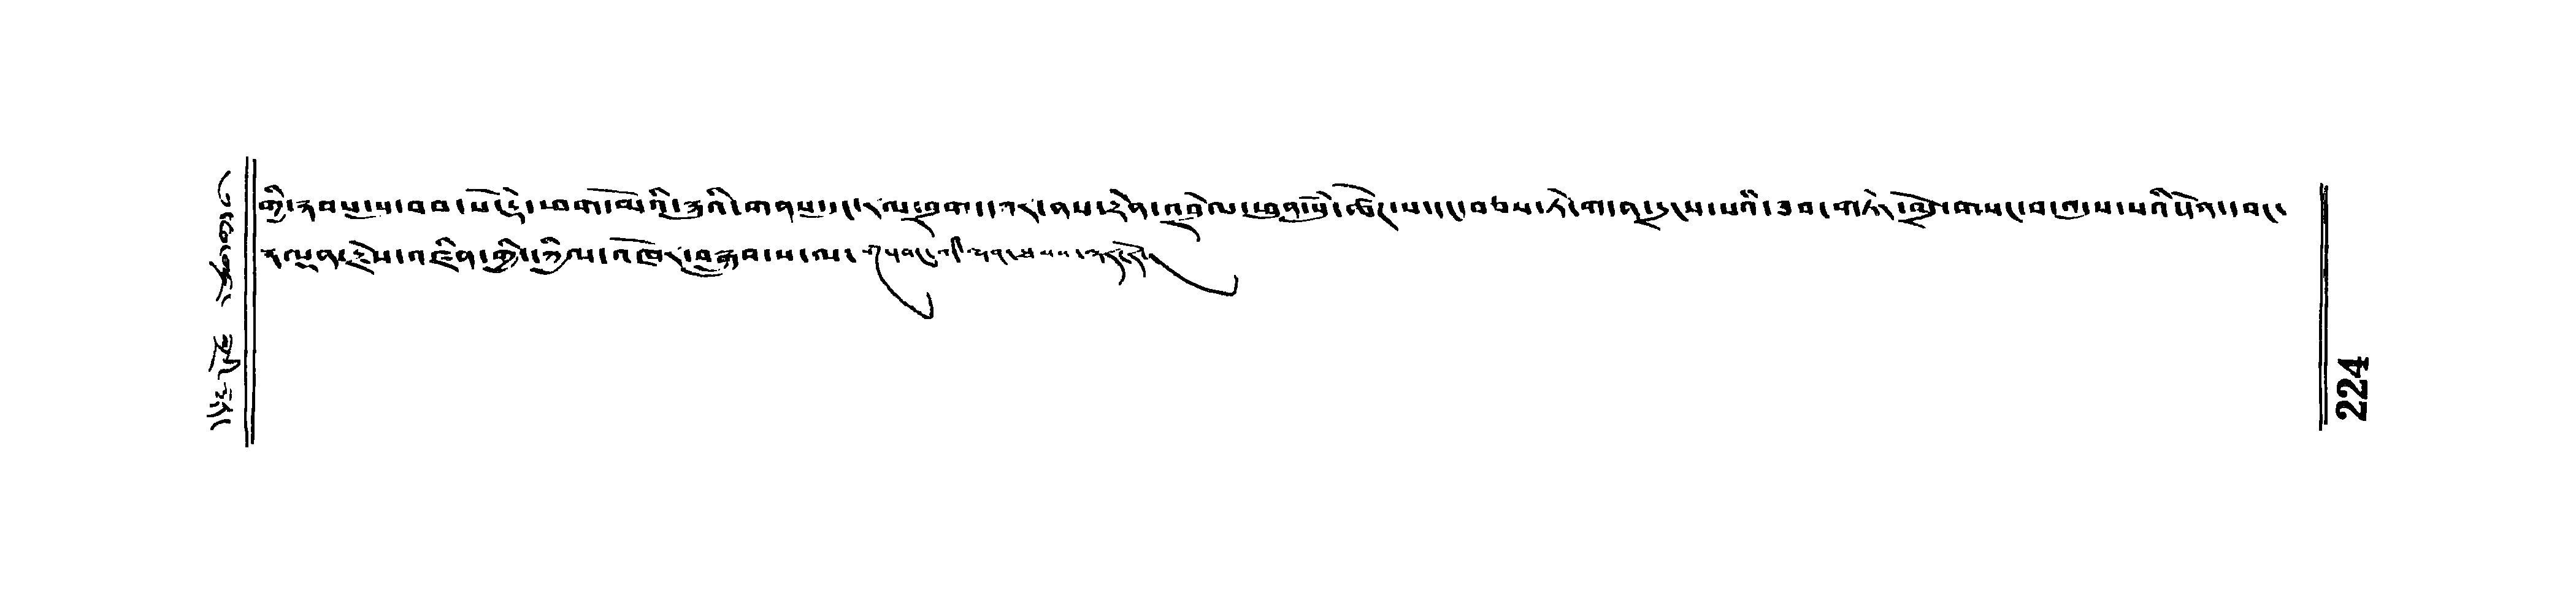གྱི་སྐབས་སུ་བབ་པ་རྡོ་རྗེ་ཕག་མོའི་སྐུའི་གནས་དུང་རལ་བྲག་དཀར་ནས་རྟེན་འབྲེལ་ཕུན་སུམ་ཚོགས་པ་དང་བཅས་ཏེ་གདན་དྲངས་པའི་ཟབ་གཏེར་མཁའ་འགྲོ་གསང་བ་འདུས་པའི་དོན་དབང་
སྐལ་ལྡན་རྗེས་འཛིན་གྱི་དཀྱིལ་འཁོར་བསྒྲུབ་པ་ལ༔སོགས་དབང་གི་ལྷན་ཐབས་ལྟར་རོ༔